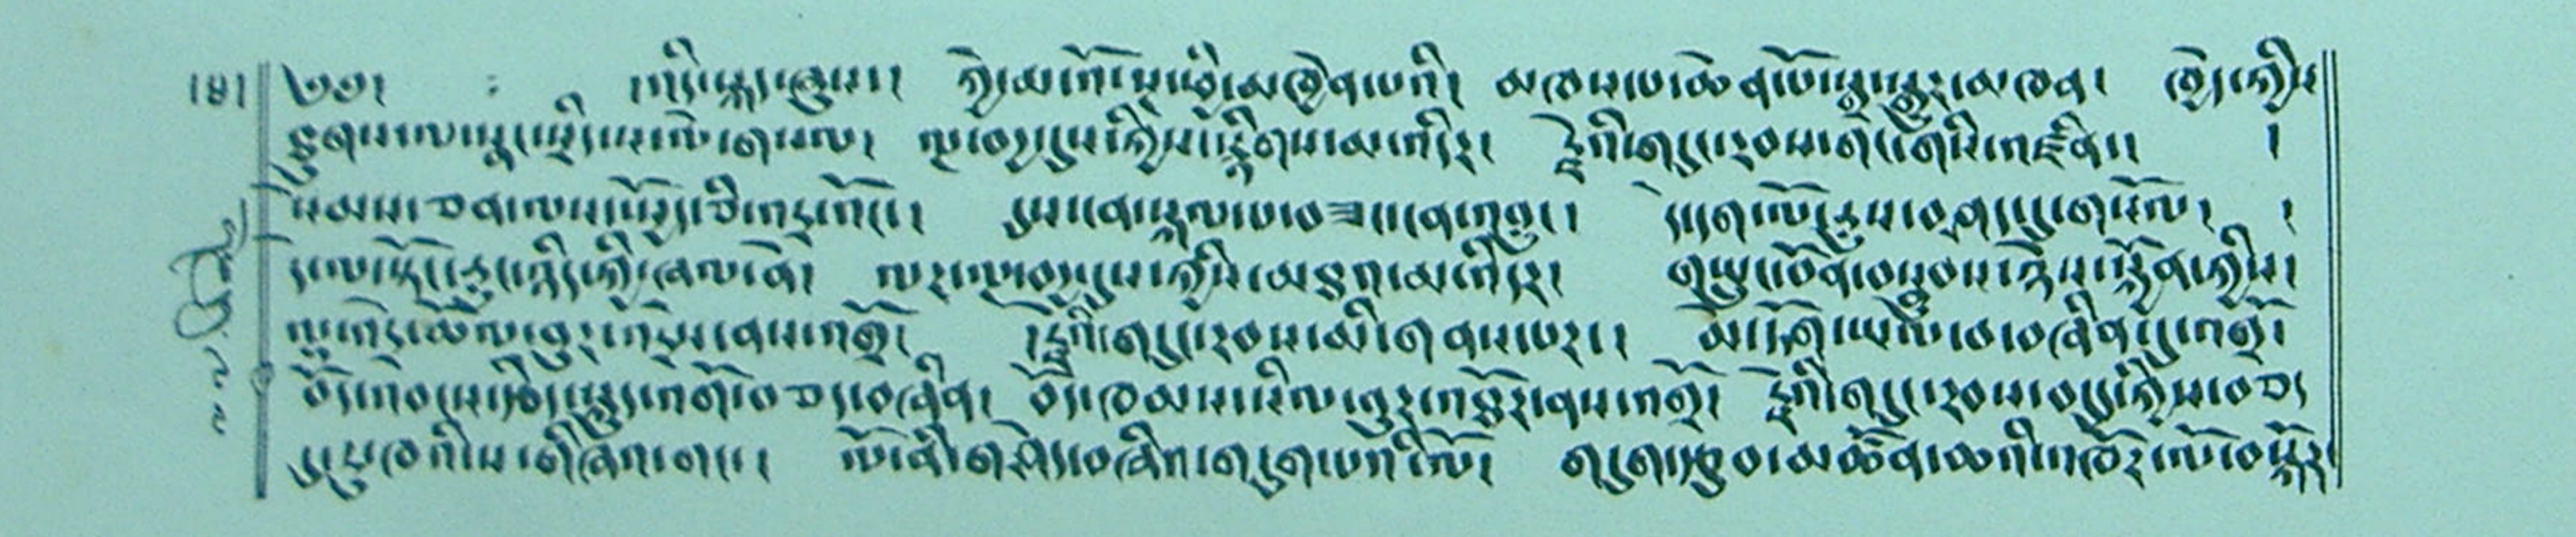༄༅། །འདི་སྐད་ཞུས། ཀྱེ་མ་འོ་སྔ་ཕྱི་མཁྱེན་པའི། མཁས་པ་ཆེན་པོ་སྒྲ་བསྒྱུར་མཁན། ཁྱེད་ཀྱིས་
ཐུགས་ལ་སྣང་སྲིད་ས་ལེ་གསལ། ལྔ་བརྒྱ་དུས་ཀྱི་སྙིགས་མ་འདིར། རྗེའི་གདུང་རབས་གང་གིས་འཛིན། 
སེམས་ཅན་ལས་སྤྱོད་ཅི་འདྲ་འོང་། དུས་ངན་བསྐལ་བ་བཟང་ངན་འབྱུང་། དེ་དག་ལོ་རྒྱུས་བཤད་དུ་གསོལ། 
དེ་ལ་སྟོང་རྒྱུང་ཉིད་ཀྱི་ཞལ་ནེ། ལར་ལྔ་བརྒྱ་དུས་ཀྱི་ཐ་མ་འདིར། གཡུང་དྲུང་བོན་བསྣུབས་ཉེས་སྐྱོན་གྱིས། 
ལྷ་འདྲེ་འཆོལ་བུར་འདྲེས་ནས་འགྲོ། རྗེའི་གདུང་རབས་མི་གནས་པར། མེ་ཏོག་ཡལ་བ་བཞིན་དུ་འགྲོ། 
བོད་འབངས་རྩིད་སྐུད་འགོ་བཅད་བཞིན། བོད་ཁམས་སིལ་བུར་འཐོར་ནས་འགྲོ། རྗེའི་གདུང་རབས་བདུད་ཀྱིས་བཅད། 
དུ་རུ་ཁའི་ས་གཞིའ་གང་། ལོ་ནི་གཤེད་བཞི་གདུག་པའི་ལོ། གདུག་རྩུབ་མཚོན་ཆའི་འཁོར་ལོ་བསྐོར།